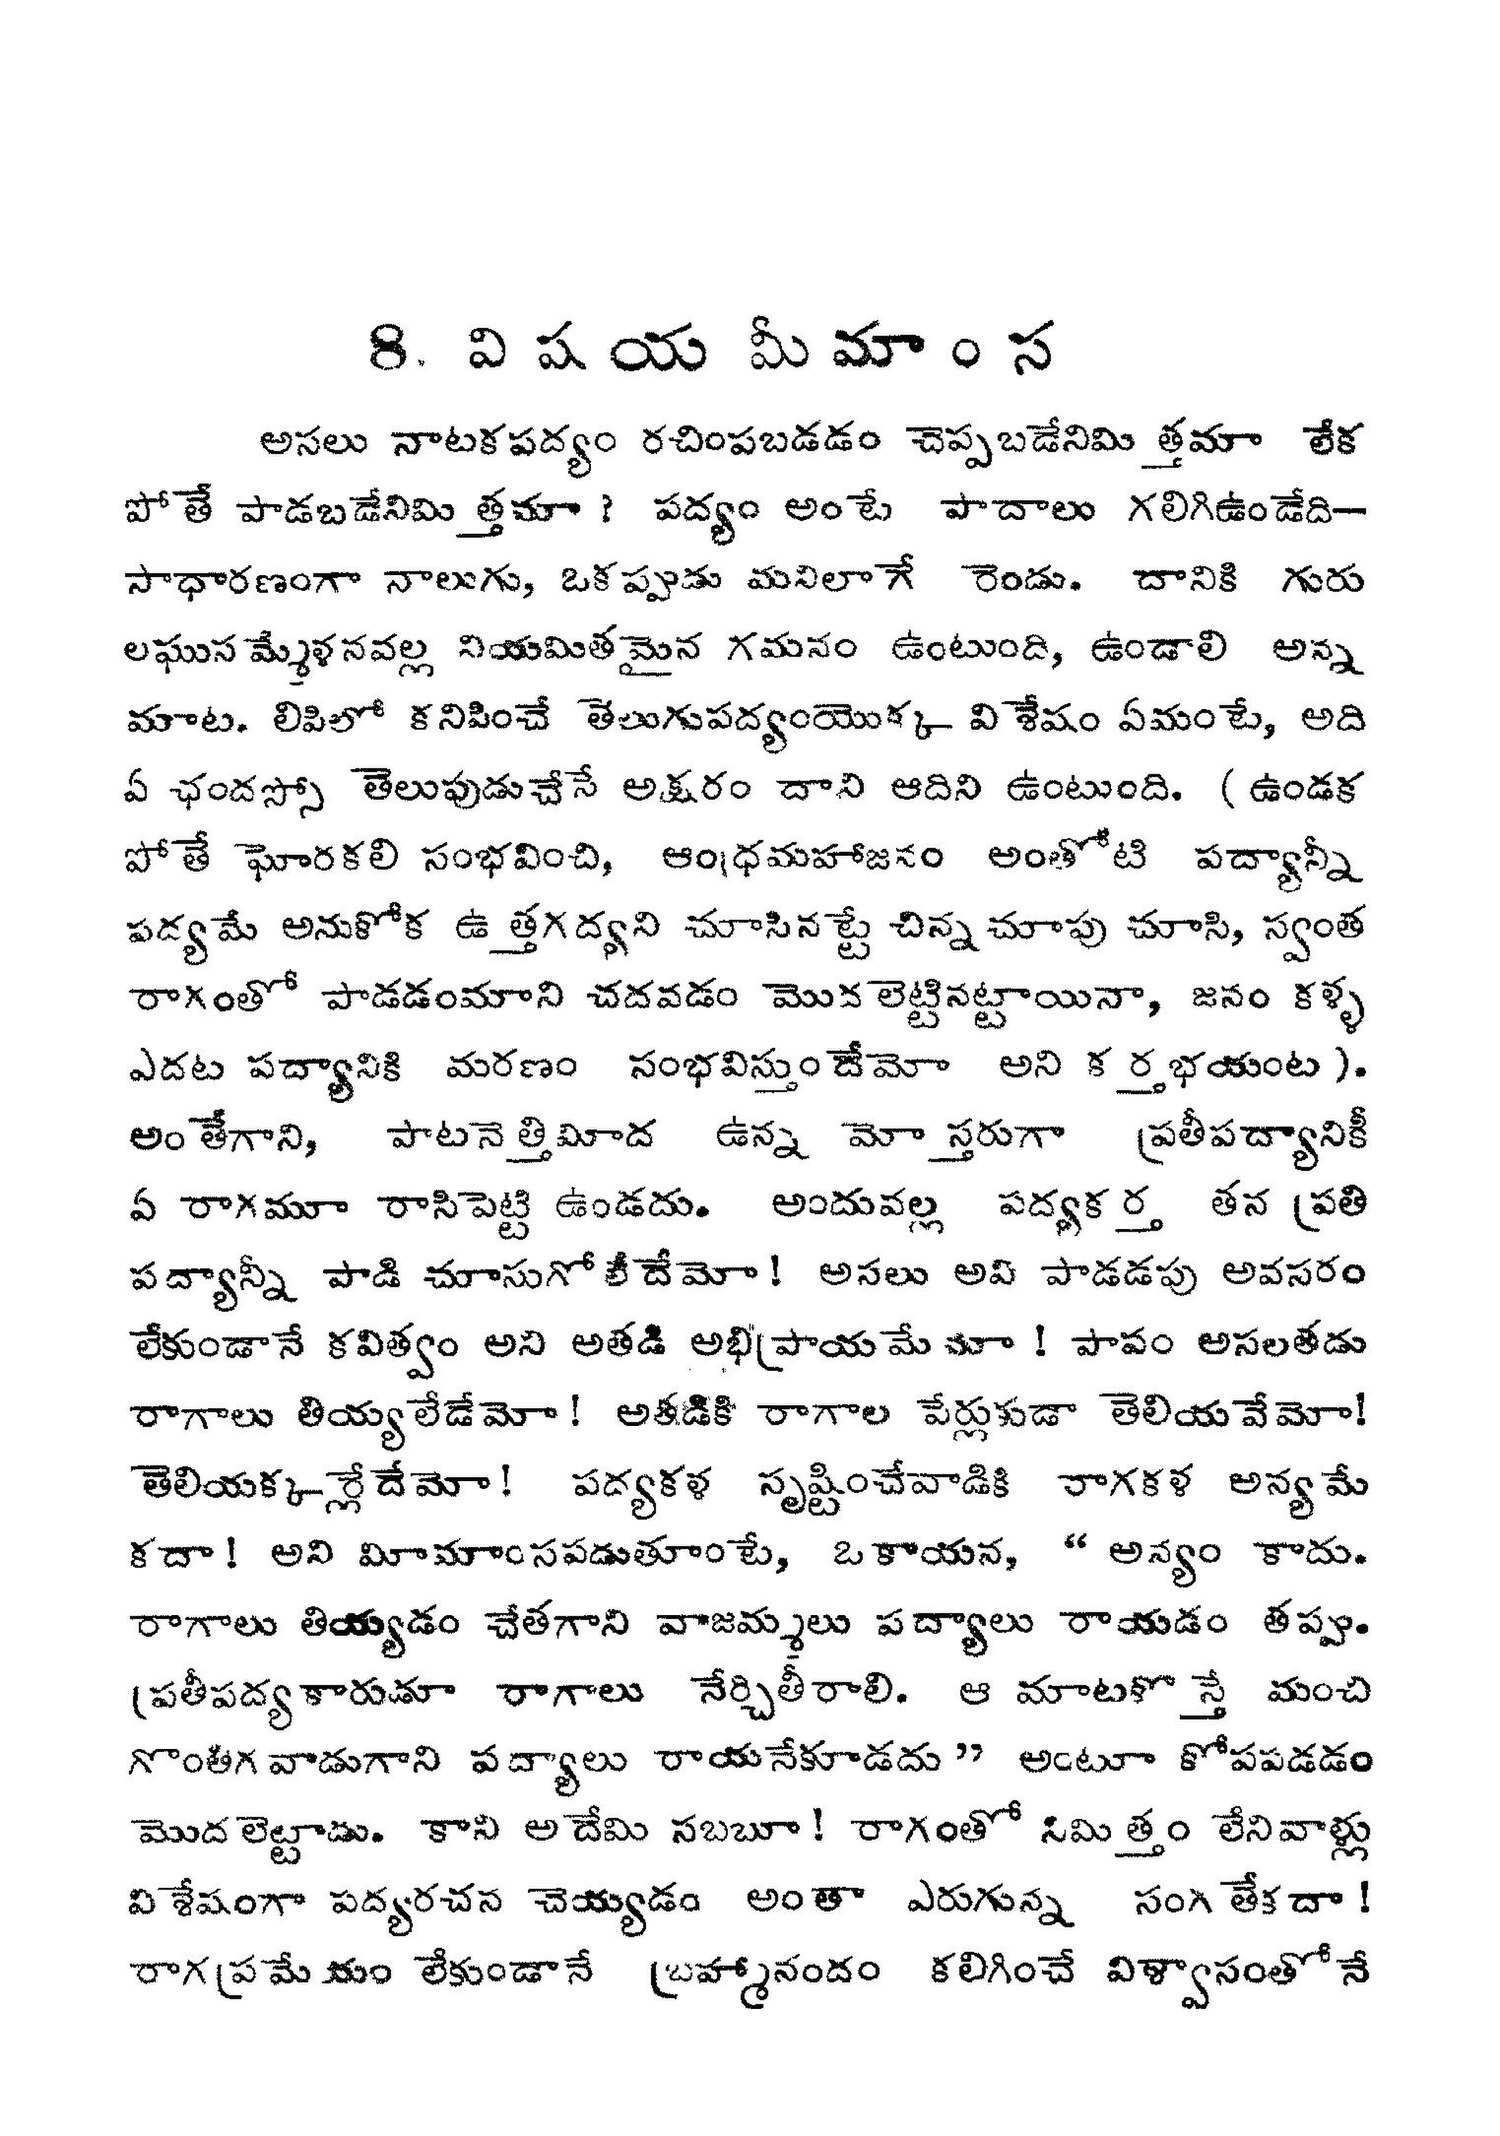8. విషయ మీమాంస

అసలు నాటకపద్యం రచింపబడడం చెప్పబడేనిమిత్తమా లేక
పోతే పాడబడేనిమిత్తమా ? పద్యం అంటే పాదాలు గలిగిఉండేది--
సాధారణంగా నాలుగు, ఒకప్పుడు మనిలాగే రెండు. దానికి గురు
లఘుసమ్మేళనవల్ల నియమితమైన గమనం ఉంటుంది, ఉండాలి అన్న
మాట. లిపిలో కనిపించే తెలుగుపద్యంయొక్క విశేషం ఏమంటే, అది
ఏ ఛందస్సో తెలుపుడుచేసే అక్షరం దాని ఆదిని ఉంటుంది. (ఉండక
పోతే ఘోరకలి సంభవించి, ఆంధ్రమహాజనం అంతోటి పద్యాన్నీ
పద్యమే అనుకోక ఉత్తగద్యని చూసినట్టే చిన్నచూపు చూసి, స్వంత
రాగంతో పాడడంమాని చదవడం మొదలెట్టినట్టాయినా, జనం కళ్ళ
ఎదట పద్యానికి మరణం సంభవిస్తుందేమో అని కర్తభయంట ).
అంతేగాని, పాటనెత్తిమీద ఉన్న మోస్తరుగా ప్రతీపద్యానికీ
ఏ రాగమూ రాసిపెట్టి ఉండదు. అందువల్ల పద్యకర్త తన ప్రతి
పద్యాన్నీ పాడి చూసుగోలేదేమో! అసలు అవి పాడడపు అవసరం
లేకుండానే కవిత్వం అని అతడి అభిప్రాయమేమో! పాపం అసలతడు
రాగాలు తియ్యలేడేమో! అతడికి రాగాల పేర్లుకుడా తెలియవేమో!
తెలియక్కర్లేదేమో! పద్యకళ సృష్టించేవాడికి నాగకళ అన్యమే
కదా! అని మీమాంసపడుతూంటే, ఒకాయన, అన్యం కాదు.
రాగాలు తియ్యడం చేతగాని వాజమ్మలు పద్యాలు రాయడం తప్పు.
ప్రతీపద్యకారుడూ రాగాలు నేర్చితీరాలి. ఆ మాటకొస్తే మంచి
గొంతిగవాడుగాని పద్యాలు రాయనేకూడదు ” అంటూ కోపపడడం
మొదలెట్టాడు. కాని అదేమి సబబూ ! రాగంతో నిమిత్తం లేనివాళ్లు
విశేషంగా పద్యరచన చెయ్యడం అంతా ఎరుగున్న సంగతేకదా!
రాగప్రమేయం లేకుండానే బ్రహ్మానందం కలిగించే విశ్వాసంతోనే